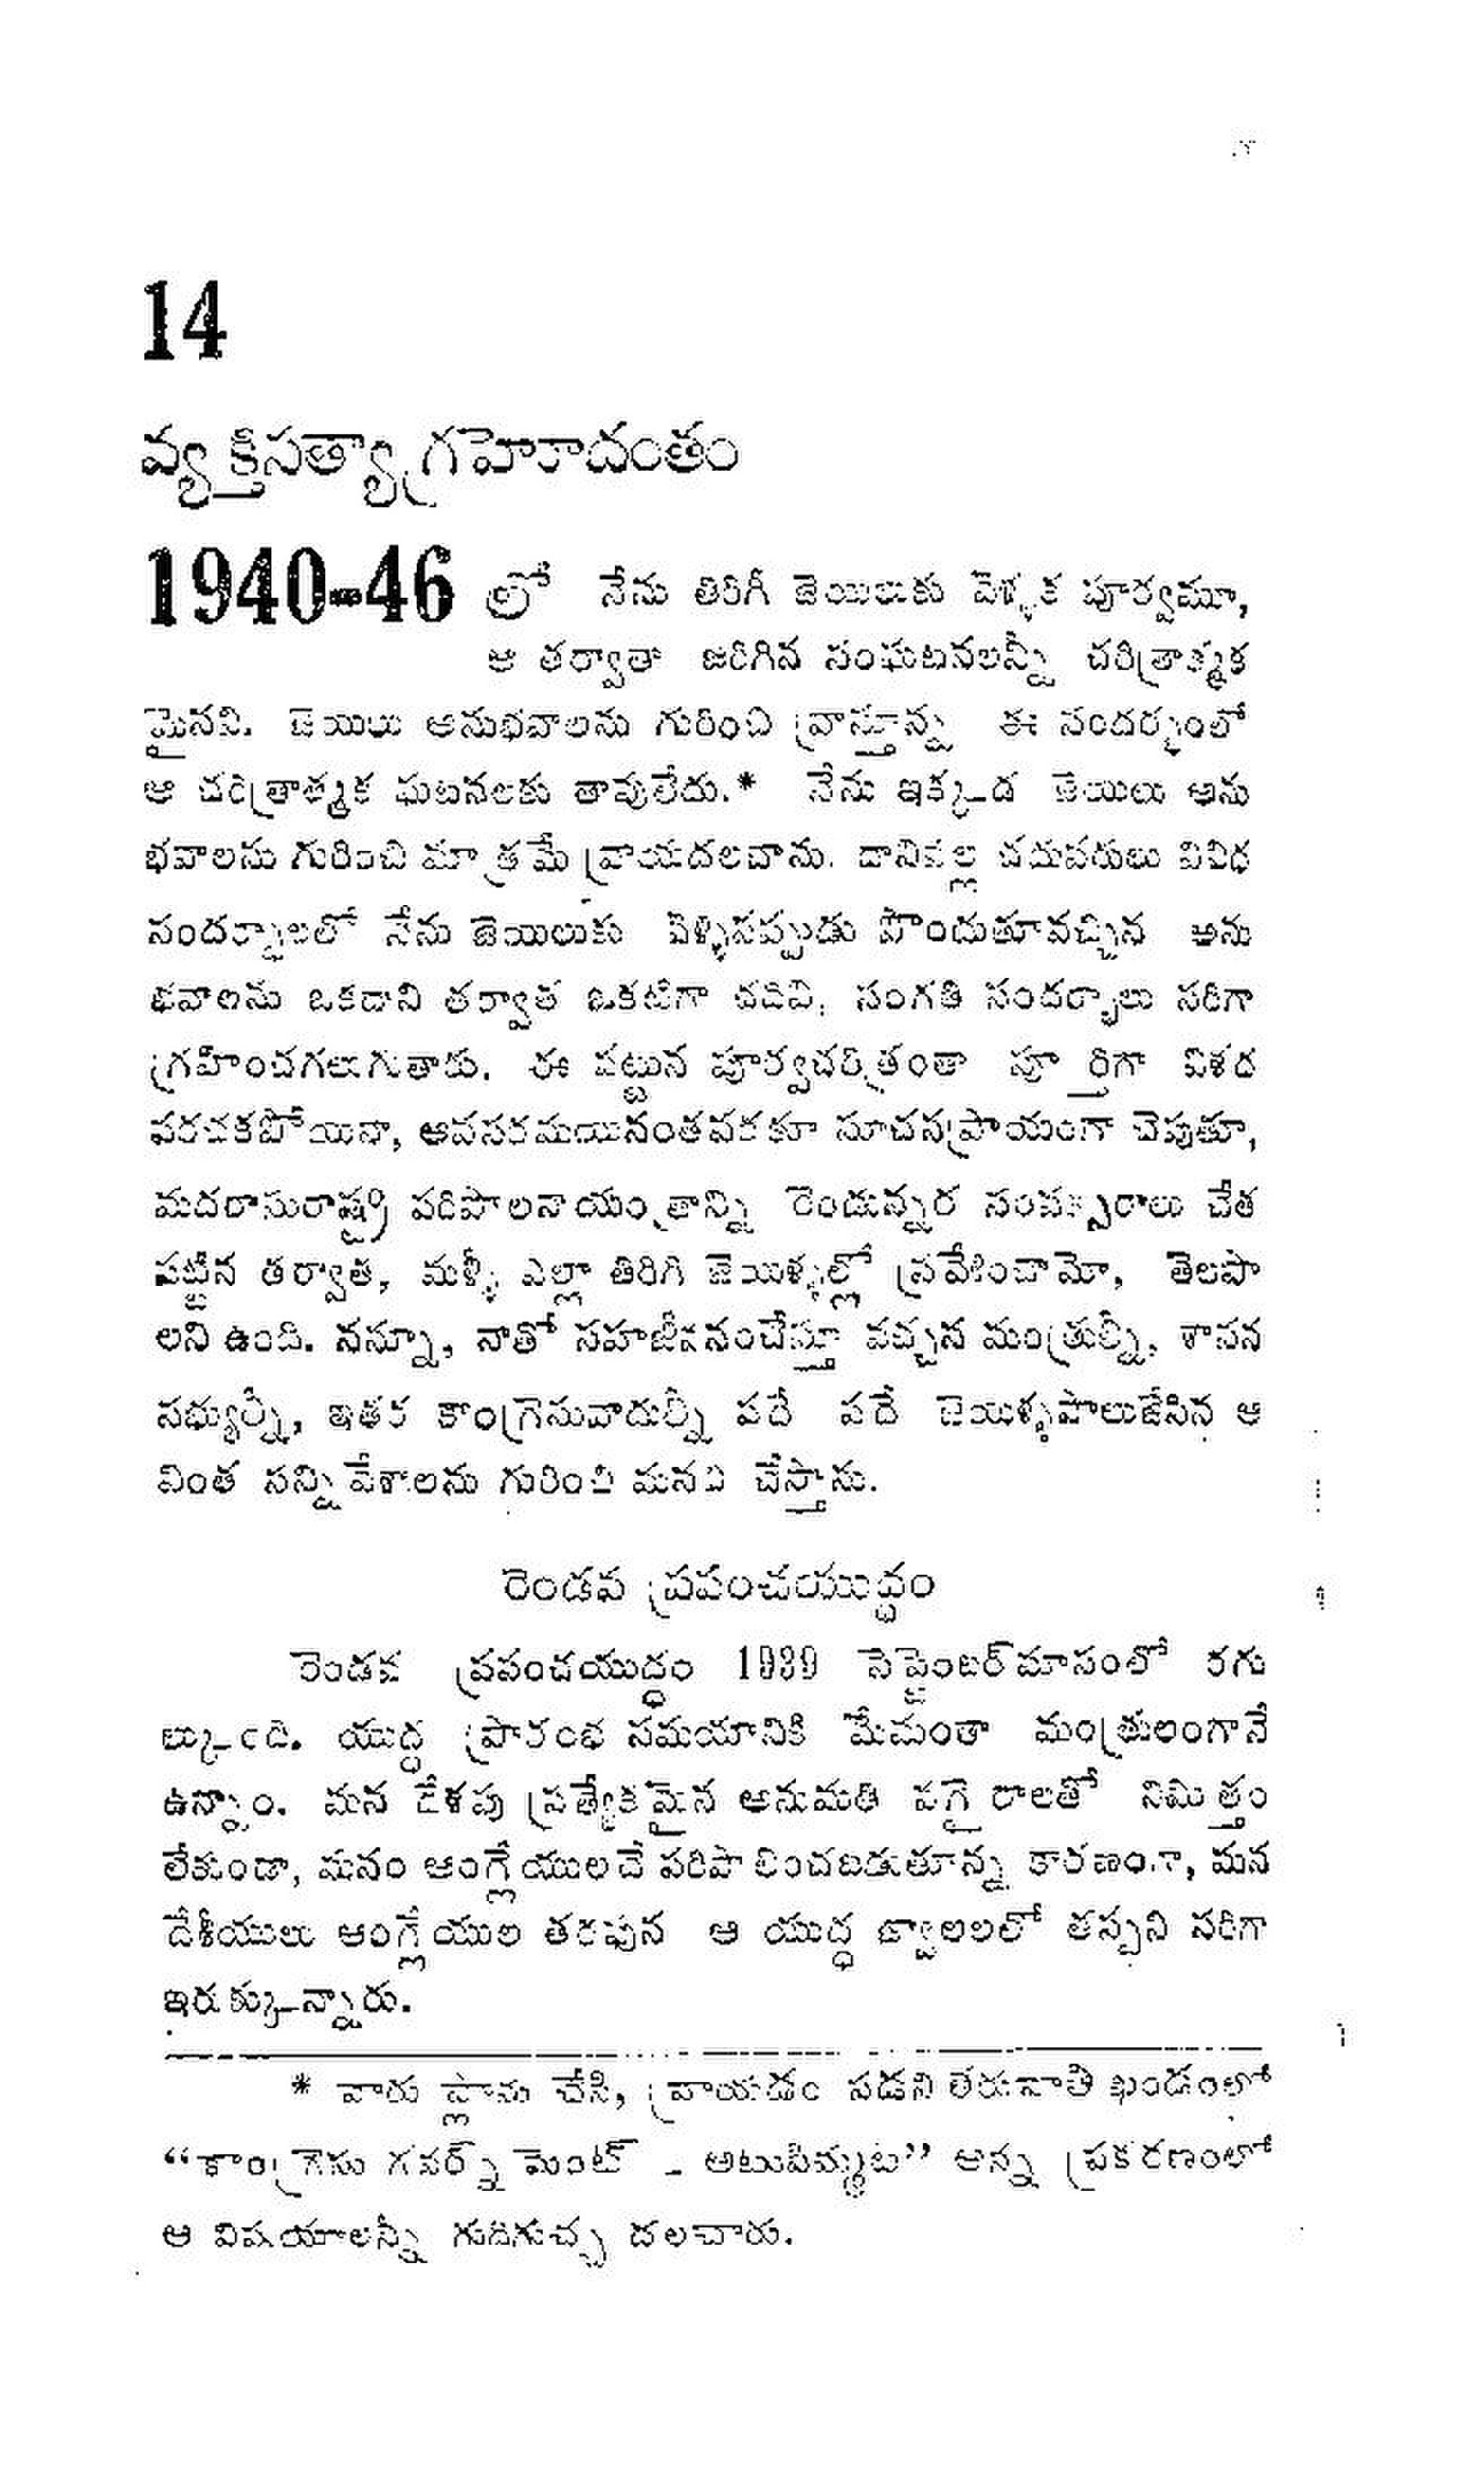1940 - 46 లో నేను తిరిగీ జెయిలుకు వెళ్ళక పూర్వమూ, ఆ తర్వాతా జరిగిన సంఘటనలన్నీ చరిత్రాత్మకమైనవి. జెయిలు అనుభవాలను గురించి వ్రాస్తూన్న ఈ సందర్భంలో ఆ చరిత్రాత్మక ఘటనలకు తావులేదు. నేను ఇక్కడ జెయిలు అనుభవాలను గురించి మాత్రమే వ్రాయదలచాను. దానివల్ల చదువరులు వివిధ సందర్భాలలో నేను జెయిలుకు వెళ్ళినప్పుడు పొందుతూవచ్చిన అనుభవాలను ఒకదాని తర్వాత ఒకటిగా చదివి, సంగతి సందర్భాలు సరిగా గ్రహించగలుగుతారు. ఈ పట్టున పూర్వ చరిత్రంతా పూర్తిగా విశద పరచక పోయినా, అవసరమయినంతవరకూ సూచనప్రాయంగా చెపుతూ, మదరాసురాష్ట్ర పరిపాలనా యంత్రాన్ని రెండున్నర సంవత్సరాలు చేతపట్టిన తర్వాత, మళ్ళీ ఎల్లా తిరిగి జెయిళ్ళలో ప్రవేశించామో, తెలపాలని ఉంది. నన్నూ, నాతో సహజీవనంచేస్తూ వచ్చిన మంత్రుల్నీ, శాసన సభ్యుల్నీ, ఇతర కాంగ్రెసువాదుల్నీ పదే పదే జెయిళ్ళపాలుజేసిన ఆ వింత సన్నివేశాలను గురించి మనవి చేస్తాను.

రెండవ ప్రపంచయుద్దం 1939 సెప్టంబర్‌ మాసంలో రగుల్కుంది. యుద్ద ప్రారంభ సమయానికి మేమంతా మంత్రులంగానే ఉన్నాం. మన దేశపు ప్రత్యేకమైన అనుమతి వగైరాలతో నిమిత్తం లేకుండా, మనం ఆంగ్లేయులచే పరిపాలించబడుతూన్న కారణంగా, మన దేశీయులు ఆంగ్లేయుల తరపున ఆ యుద్ద జ్వాలలలో తప్పని సరిగా ఇరుక్కున్నారు.